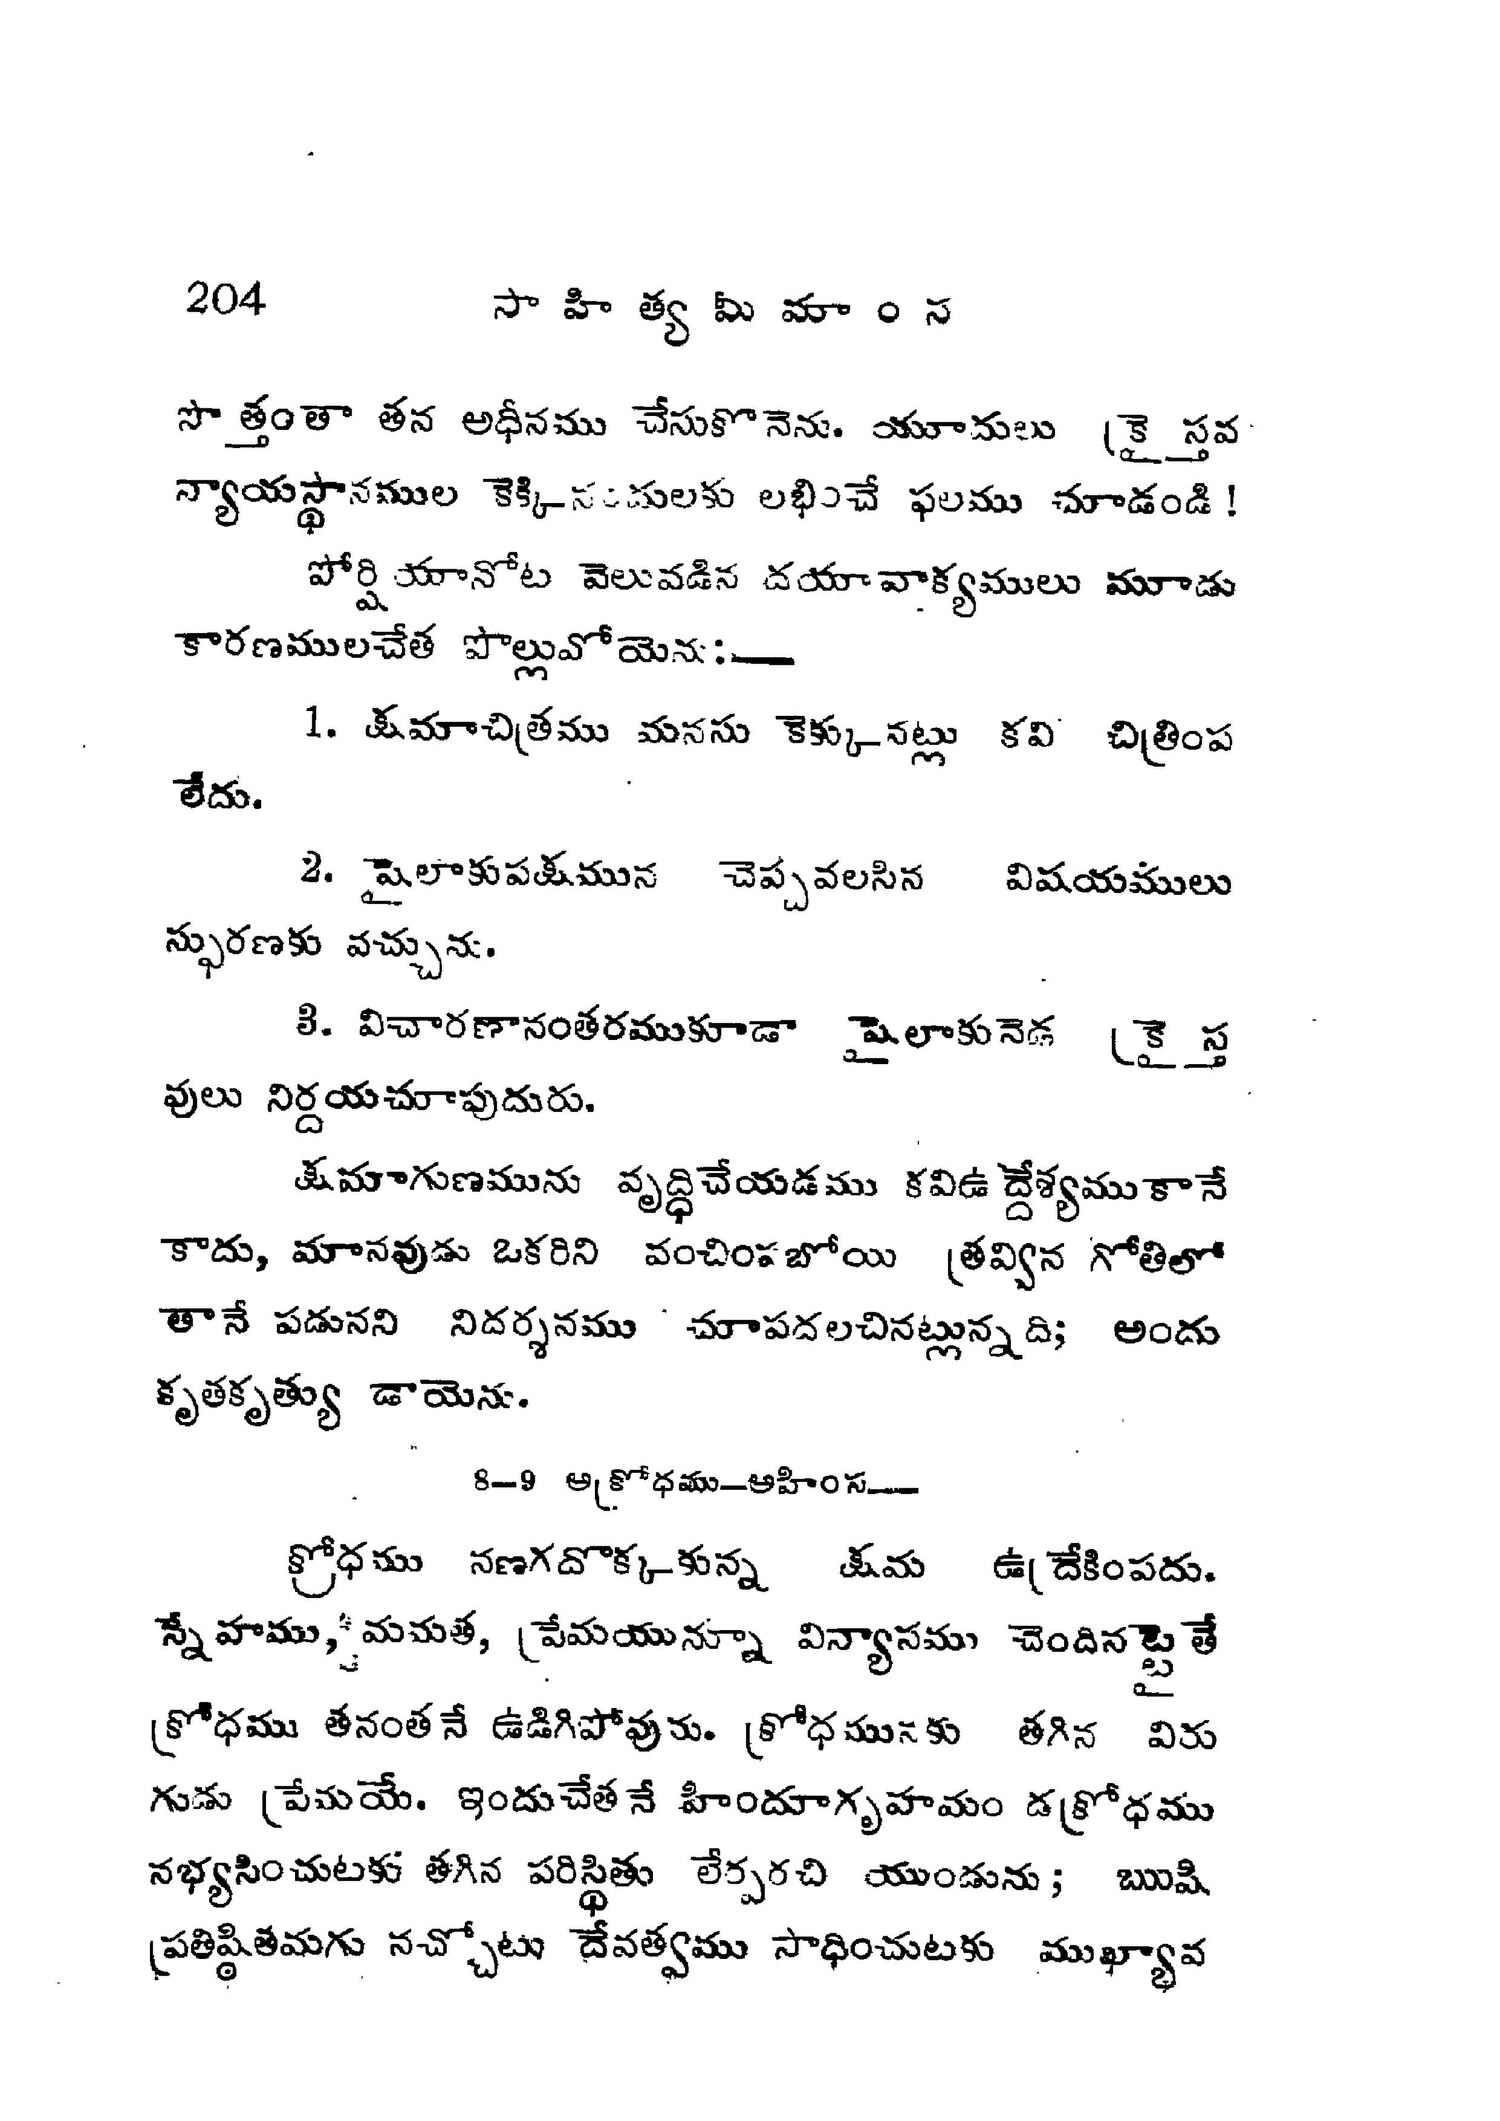సొత్తంతా తన అధీనము చేసుకొనెను. యూదులు క్రైస్తవ న్యాయస్థానముల కెక్కినందులకు లభించే ఫలము చూడండి!

పోర్షియానోట వెలువడిన దయా వాక్యములు మూడు కారణములచేత పొల్లువోయెను : _

1. క్షమాచిత్రము మనసు కెక్కునట్లు కవి చిత్రింప లేదు.

2. షైలాకుపక్షమున చెప్పవలసిన విషయములు స్ఫురణకు వచ్చును.

3. విచారణానంతరముకూడా షైలాకునెడ క్రైస్తవులు నిర్దయచూపుదురు.

క్షమాగుణమును వృద్ధిచేయడము కవిఉద్దేశ్యముకానే కాదు, మానవుడు ఒకరిని వంచింపబోయి త్రవ్విన గోతిలో తానే పడునని నిదర్శనము చూపదలచినట్లున్నది; అందు కృతకృత్యు డాయెను.

క్రోధము నణగదొక్కకున్న క్షమ ఉద్రేకింపదు. స్నేహము, మమత, ప్రేమయున్నూ విన్యాసము చెందినట్లైతే క్రోధము తనంతనే ఉడిగిపోవును. క్రోధమునకు తగిన విరుగడు ప్రేమయే. ఇందుచేతనే హిందూగృహమం దక్రోధము నభ్యసించుటకు తగిన పరిస్థితు లేర్పరచి యుండును; ఋషి ప్రతిష్ఠితమగు నచ్చోటు దేవత్వము సాధించుటకు ముఖ్యావ